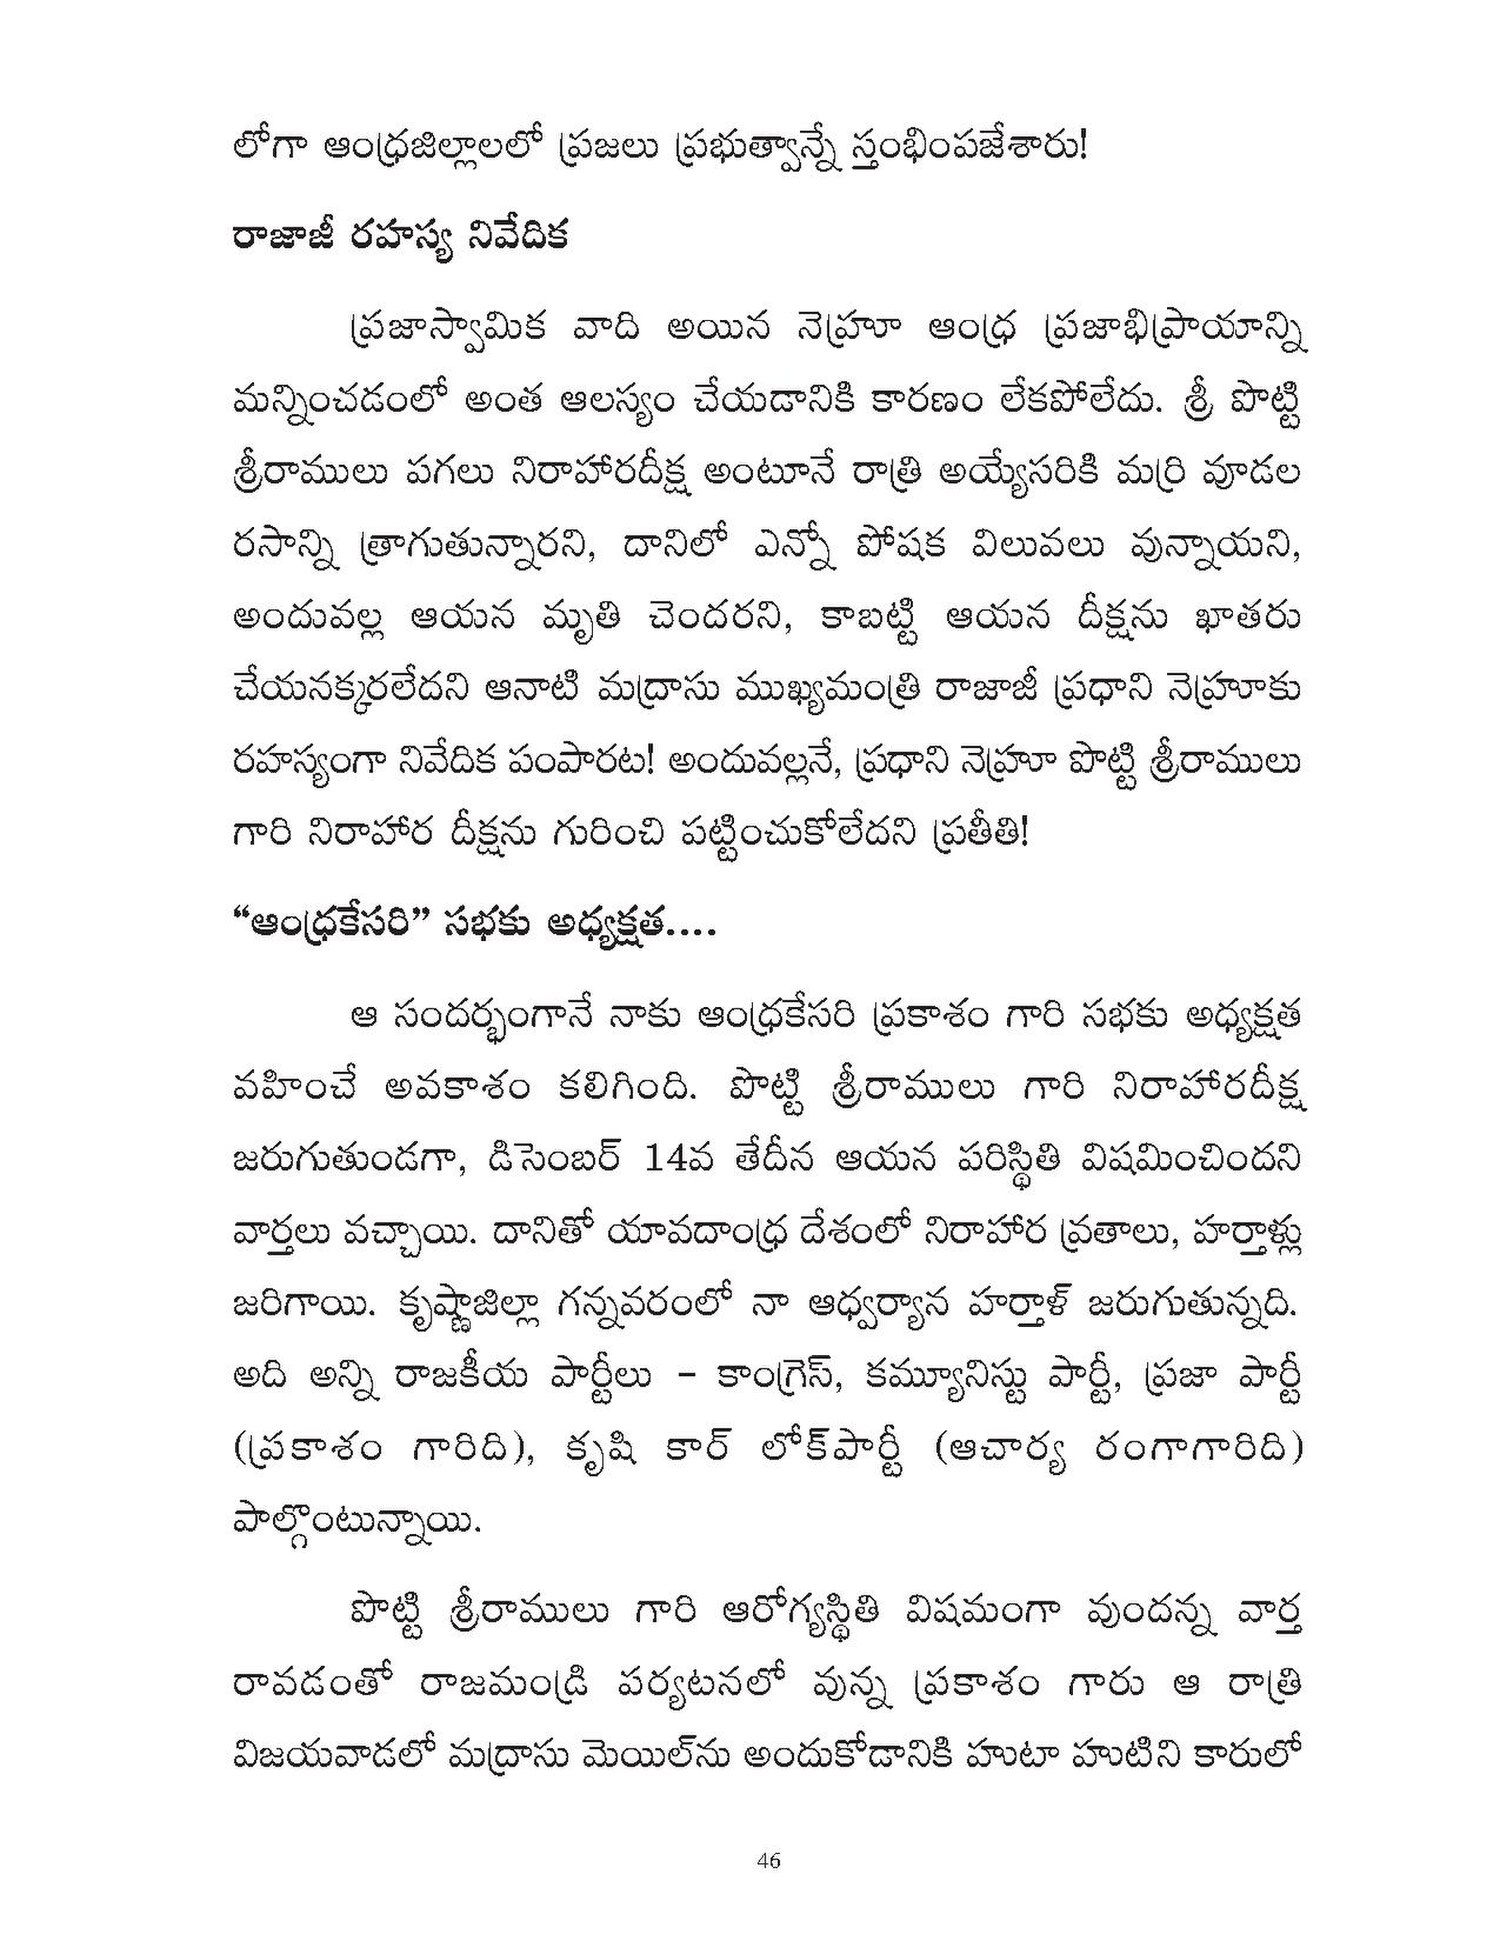లోగా ఆంధ్రజిల్లాలలో ప్రజలు ప్రభుత్వాన్నే స్తంభింపజేశారు!

రాజాజీ రహస్య నివేదిక

ప్రజాస్వామిక వాది అయిన నెహ్రూ ఆంధ్ర ప్రజాభిప్రాయాన్ని
మన్నించడంలో అంత ఆలస్యం చేయడనికి కారణం లేకపోలేదు. శ్రీ పొట్టి
శ్రీరాములు పగలు నిరాహారదీక్ష అంటూనే రాత్రి అయ్యేసరికి మర్రి వూడల
రసాన్ని త్రాగుతున్నారని, దానిలో ఎన్నో పోషక విలువలు వున్నాయని,
అందువల్ల ఆయన మృతి చెందరని, కాబట్టి ఆయన దీక్షను ఖాతరు
చేయనక్కరలేదని ఆనాటి మద్రాసు ముఖ్యమంత్రి రాజాజీ ప్రధాని నెహ్రూకు
రహస్యంగా నివేదిక పంపారట! అందువల్లనే, ప్రధాని నెహ్రూ పొట్టి శ్రీరాములు
గారి నిరాహార దీక్షను గురించి పట్టించుకోలేదని ప్రతీతి!

"ఆంధ్రకేసరి" సభకు అధ్యక్షత....

ఆ సందర్భంగానే నాకు ఆంధ్రకేసరి ప్రకాశం గారి సభకు అధ్యక్షత
వహించే అవకాశం కలిగింది. పొట్టి శ్రీరాములు గారి నిరాహారదీక్ష
జరుగుతుండగా, డిసెంబర్‌ 14వ తేదీన ఆయన పరిస్థితి విషమించిందని
వార్తలు వచ్చాయి. దానితో యావదాంధ్ర దేశంలో నిరాహార వ్రతాలు, హర్తాళ్లు
జరిగాయి. కృష్ణాజిల్లా గన్నవరంలో నా ఆధ్వర్యాన హర్తాళ్‌ జరుగుతున్నది.
అది అన్ని రాజకీయ పార్టీలు - కాంగ్రెస్‌, కమ్యూనిస్టు పార్టీ, ప్రజా పార్టీ
(ప్రకాశం గారిది), కృషి కార్‌ లోక్‌పార్టీ (ఆచార్య రంగాగారిది)
పాల్గొంటున్నాయి.

పొట్టి శ్రీరాములు గారి ఆరోగ్యస్థితి విషమంగా వుందన్న వార్త
రావడంతో రాజమండ్రి పర్యటనలో వున్న ప్రకాశం గారు ఆ రాత్రి
విజయవాడలో మద్రాసు మెయిల్‌ను అందుకోడానికి హుటా హుటిని కారులో